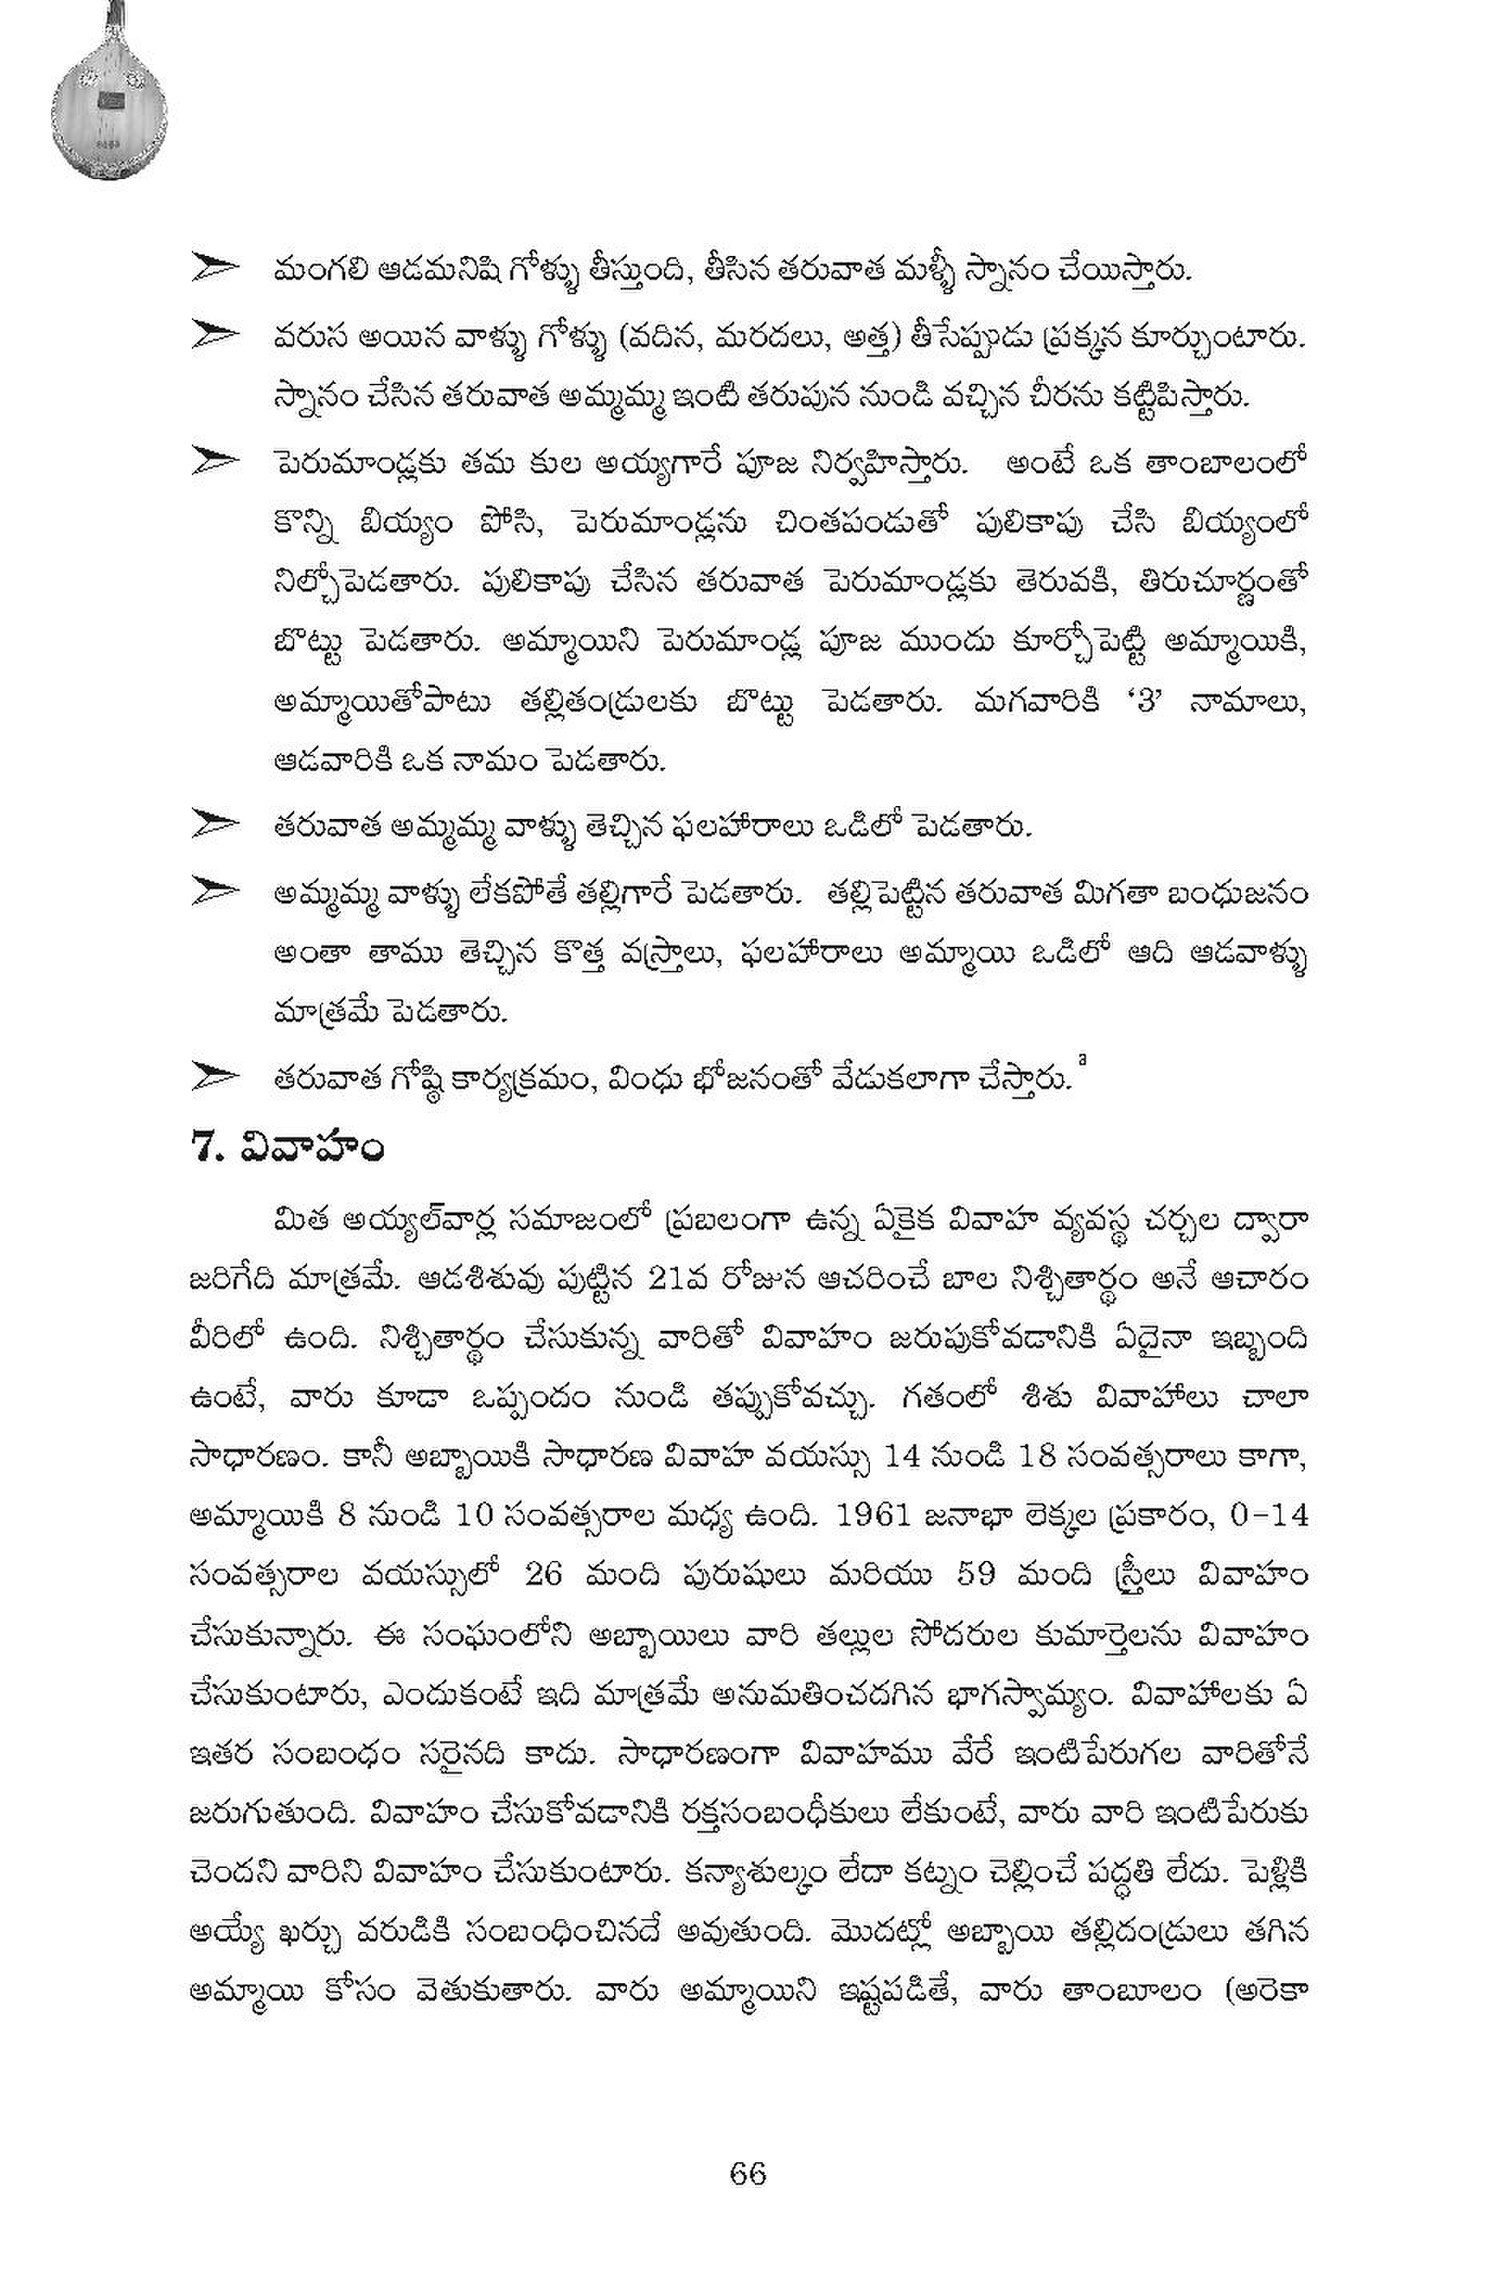మంగలి ఆడమనిషి గోళ్ళు తీస్తుంది, తీసిన తరువాత మళ్ళీ స్నానం చేయిస్తారు.

వరుస అయిన వాళ్ళు గోళ్ళు (వదిన, మరదలు, అత్త) తీసేప్పుడు ప్రక్కన కూర్చుంటారు. స్నానం చేసిన తరువాత అమ్మమ్మ ఇంటి తరుపున నుండి వచ్చిన చీరను కట్టిపిస్తారు.

పెరుమాండ్లకు తమ కుల అయ్యగారే పూజ నిర్వహిస్తారు. అంటే ఒక తాంబాలంలో కొన్ని బియ్యం పోసి, పెరుమాండ్లను చింతపండుతో పులికాపు చేసి బియ్యంలో నిల్చోపెడతారు. పులికాపు చేసిన తరువాత పెరుమాండ్లకు తెరువకి, తిరుచూర్ణంతో
బొట్టు పెడతారు. అమ్మాయిని పెరుమాండ్ల పూజ ముందు కూర్చోపెట్టి అమ్మాయికి, అమ్మాయితోపాటు తల్లితండ్రులకు బొట్టు పెడతారు. మగవారికి '3' నామాలు, ఆడవారికి ఒక నామం పెడతారు.

తరువాత అమ్మమ్మ వాళ్ళు తెచ్చిన ఫలహారాలు ఒడిలో పెడతారు.

అమ్మమ్మ వాళ్ళు లేకపోతే తల్లిగారే పెడతారు. తల్లిపెట్టిన తరువాత మిగతా బంధుజనం అంతా తాము తెచ్చిన కొత్త వస్త్రాలు, ఫలహారాలు అమ్మాయి ఒడిలో ఆది ఆడవాళ్ళు మాత్రమే పెడతారు.

తరువాత గోష్ఠి కార్యక్రమం, వింధు భోజనంతో వేడుకలాగా చేస్తారు.3

7. వివాహం 

మిత అయ్యల్వార్ల సమాజంలో ప్రబలంగా ఉన్న ఏకైక వివాహ వ్యవస్థ చర్చల ద్వారాnజరిగేది మాత్రమే. ఆడశిశువు పుట్టిన 21వ రోజున ఆచరించే బాల నిశ్చితార్థం అనే ఆచారం వీరిలో ఉంది. నిశ్చితార్థం చేసుకున్న వారితో వివాహం జరుపు కోవడానికి ఏదైనా ఇబ్బంది nఉంటే, వారు కూడా ఒప్పందం నుండి తప్పుకోవచ్చు. గతంలో శిశు వివాహాలు చాలా
సాధారణం. కానీ అబ్బాయికి సాధారణ వివాహ వయస్సు 14 నుండి 18 సంవత్సరాలు కాగా, అమ్మాయికి 8 నుండి 10 సంవత్సరాల మధ్య ఉంది. 1961 జనాభా లెక్కల ప్రకారం, 0-14 సంవత్సరాల వయస్సులో 26 మంది పురుషులు మరియు 59 మంది స్త్రీలు వివాహం చేసుకున్నారు. ఈ సంఘంలోని అబ్బాయిలు వారి తల్లుల సోదరుల కుమార్తెలను వివాహం చేసుకుంటారు, ఎందుకంటే ఇది మాత్రమే అనుమతించదగిన భాగస్వామ్యం. వివాహాలకు ఏ ఇతర సంబంధం సరైనది కాదు. సాధారణంగా వివాహము వేరే ఇంటిపేరుగల వారితోన జరుగుతుంది. వివాహం చేసుకోవడానికి రక్త సంబంధీకులు లేకుంటే, వారు వారి ఇంటిపేరుకు చెందని వారిని వివాహం చేసుకుంటారు. కన్యాశుల్కం లేదా కట్నం చెల్లించే పద్ధతి లేదు. పెళ్లికి అయ్యే ఖర్చు వరుడికి సంబంధించినదే అవుతుంది. మొదట్లో అబ్బాయి తల్లిదండ్రులు తగిన
అమ్మాయి కోసం వెతుకుతారు. వారు అమ్మాయిని ఇష్టపడితే, వారు తాంబూలం (అరెకా